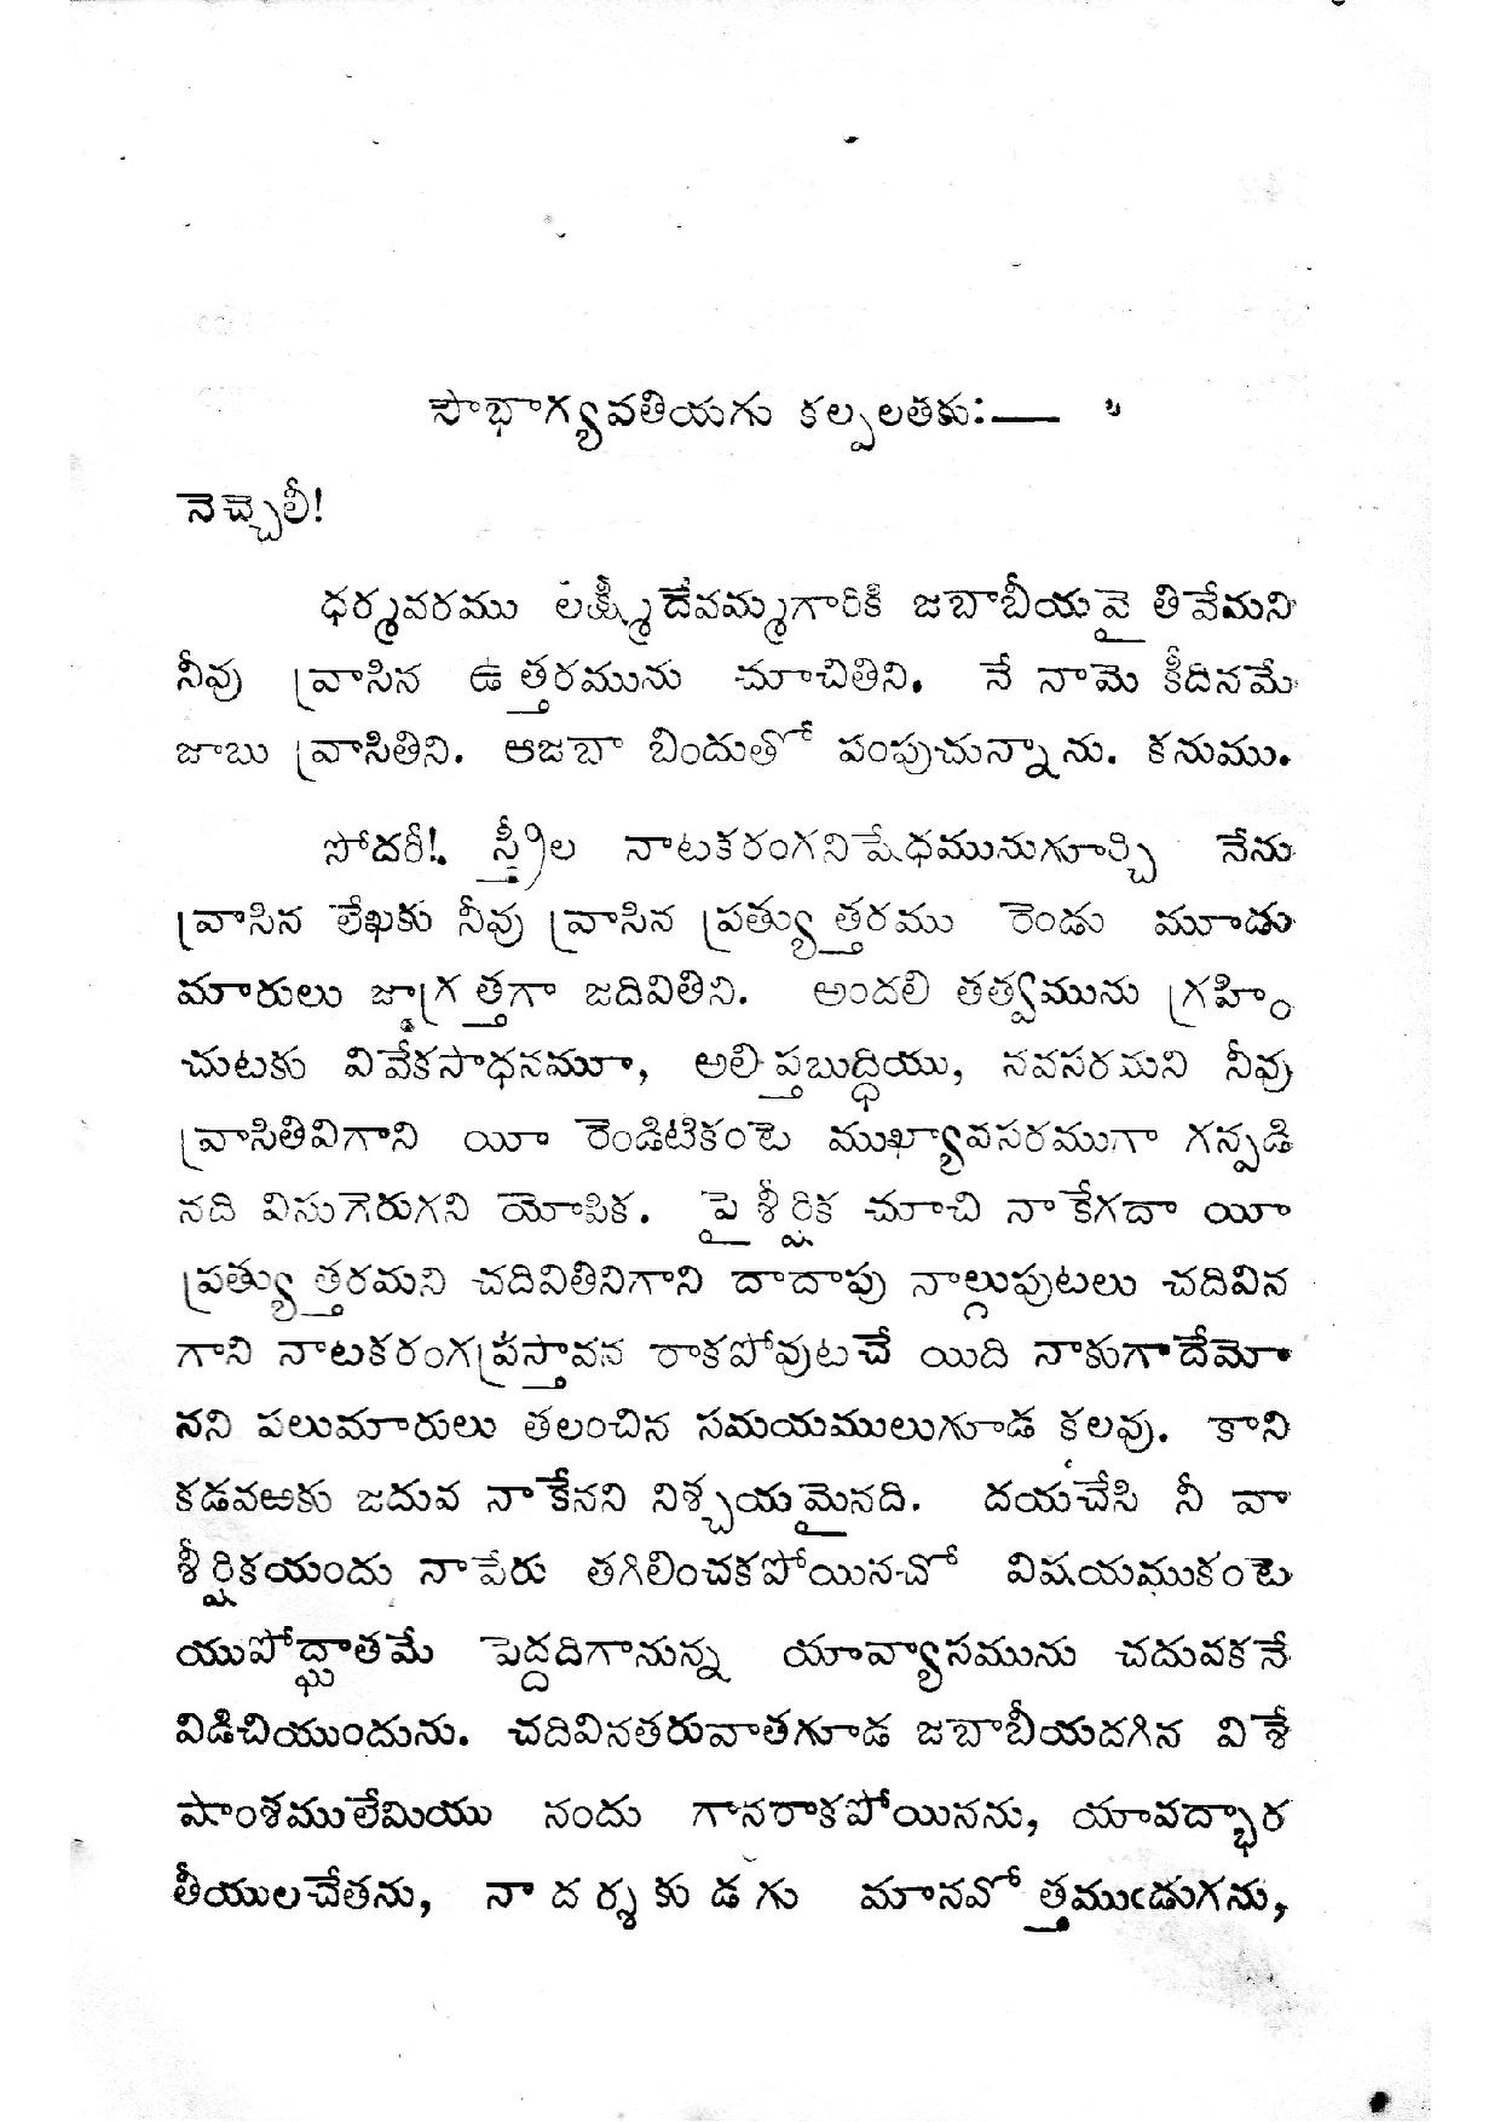నెచ్చెలీ!

ధర్మవరము లక్ష్మీదేవమ్మగారికి జబాబీయవైతివేమని నీవు వ్రాసిన ఉత్తరమును చూచితిని. నే నామె కీదినమే జాబు వ్రాసితిని. ఆజబా బిందుతో పంపుచున్నాను. కనుము.

సోదరీ! స్త్రీల నాటకరంగనిషేధమునుగూర్చి నేను వ్రాసిన లేఖకు నీవు వ్రాసిన ప్రత్యుత్తరము రెండు మూడు
మారులు జాగ్రత్తగా జదివితిని. అందలి తత్వమును గ్రహించుటకు వివేకసాధనమూ, అలిప్తబుద్ధియు, నవసరమని నీవు వ్రాసితివిగాని యీ రెండిటికంటె ముఖ్యావసరముగా గన్పడినది విసుగెరుగని యోపిక. పై శీర్షిక చూచి నాకేగదా యీ ప్రత్యుత్తరమని చదివితినిగాని దాదాపు నాల్గుపుటలు చదివిన గాని నాటకరంగప్రస్తావన రాకపోవుటచే యిది నాకుగాదేమో నని పలుమారులు తలంచిన సమయములుగూడ కలవు. కాని కడవఱకు జదువ నాకేనని నిశ్చయమైనది. దయచేసి నీ వా శీర్షికయందు నాపేరు తగిలించకపోయినచో విషయముకంటె యుపోద్ఘాతమే పెద్దదిగానున్న యావ్యాసమును చదువకనే
విడిచియుందును. చదివినతరువాతగూడ జబాబీయదగిన విశేషాంశములేమియు నందు గానరాకపోయినను, యావద్భారతీయులచేతను, నాదర్శకుడగు మానవోత్తముఁడుగను,